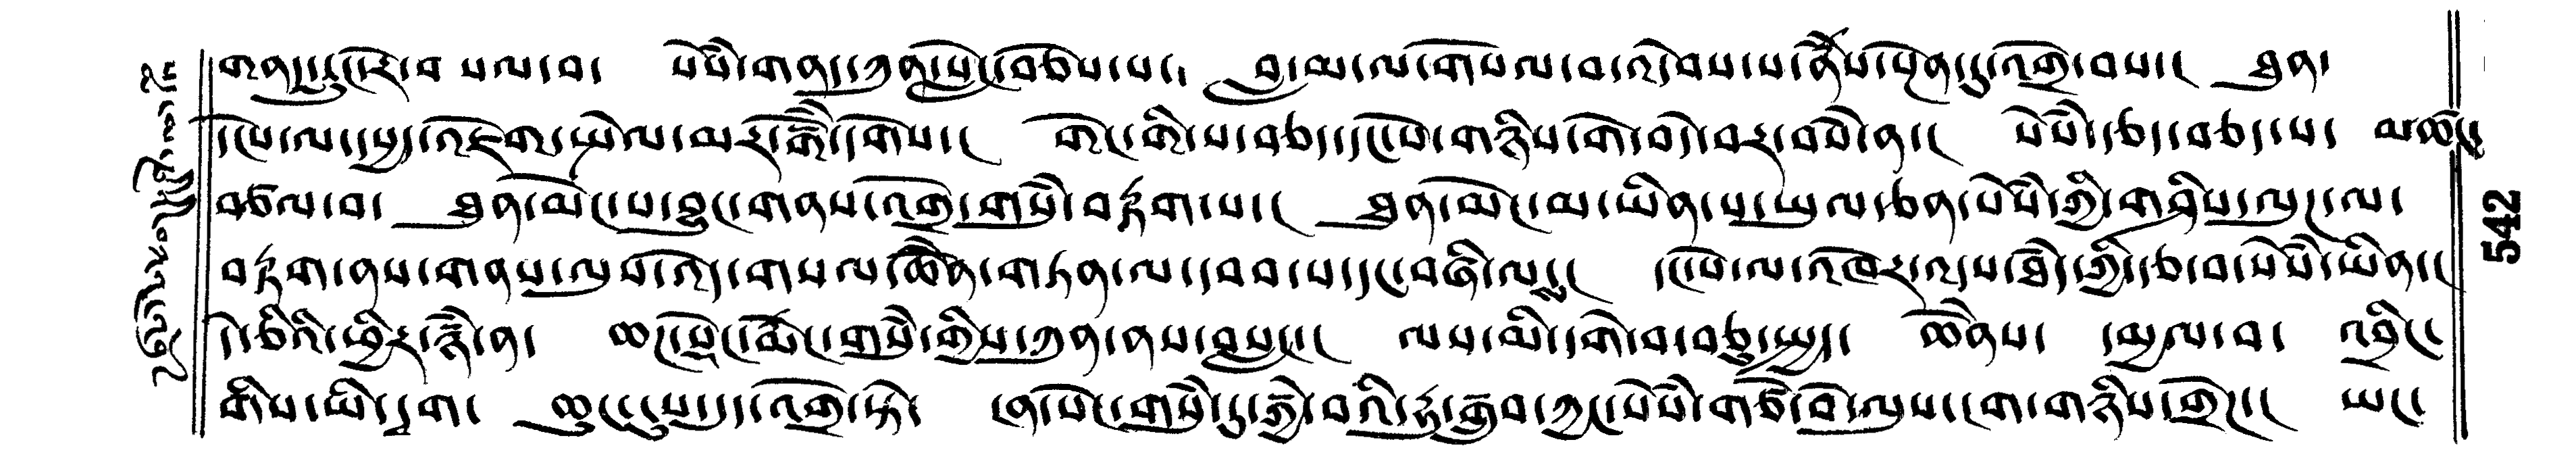གནད་རླུང་རོ་བསལ་བ། སེམས་གནད་ཀུན་སློང་བཅོས་པ། བླ་མ་ལ་གསོལ་བ་འདེབས་པ་རྣམས་སྔོན་དུ་འགྲོ་བས། ཐུན་
དངོས་ལ་དཔྱད་འཇོག་སྤེལ་མར་བསྒོམ་དགོས། གོང་གི་ས་བཅད་དང་པོ་གཉིས་གོ་བདེ་བར་བསམ་ན། སེམས་རྩད་བཅད་པ། མཚང་
བཙལ་བ། ཐུན་མོང་པ་བྱུང་གནས་འགྲོ་གསུམ་བརྟག་པ། ཐུན་མོང་མ་ཡིན་པ་ཡུལ་ཅན་སེམས་ཀྱི་གཤིས་ལུགས་ལ་
བརྟགས་ནས་གནས་ལུས་འོད་གསལ་ཆེན་པོར་གཏན་ལ་དབབ་པ་དང་བཞི་ལས། དང་པོ་ལ་འཁོར་འདས་ཐམས་ཅད་ཀྱི་རྩ་བ་སེམས་ཡིན། 
དེ་ཅིའི་ཕྱིར་སྙམ་ན། ཆགས་སྡང་རྨོངས་གསུམ་གྱིས་ཀུན་ནས་བསླང་། ལས་མི་དགེ་བ་བཅུ་སྤྱད། ཆེན་པོས་དམྱལ་བ། འབྲིང་
གིས་ཡི་དྭགས། ཆུང་ངུས་དུད་འགྲོ་སྟེ་ངན་སོང་གསུམ་དུ་སྐྱེ་བའི་རྒྱུ་སྒྲུབ་ཀྱང་སེམས་གཙོ་བོ་ལུས་ངག་གཉིས་གྲོགས། ཡང་